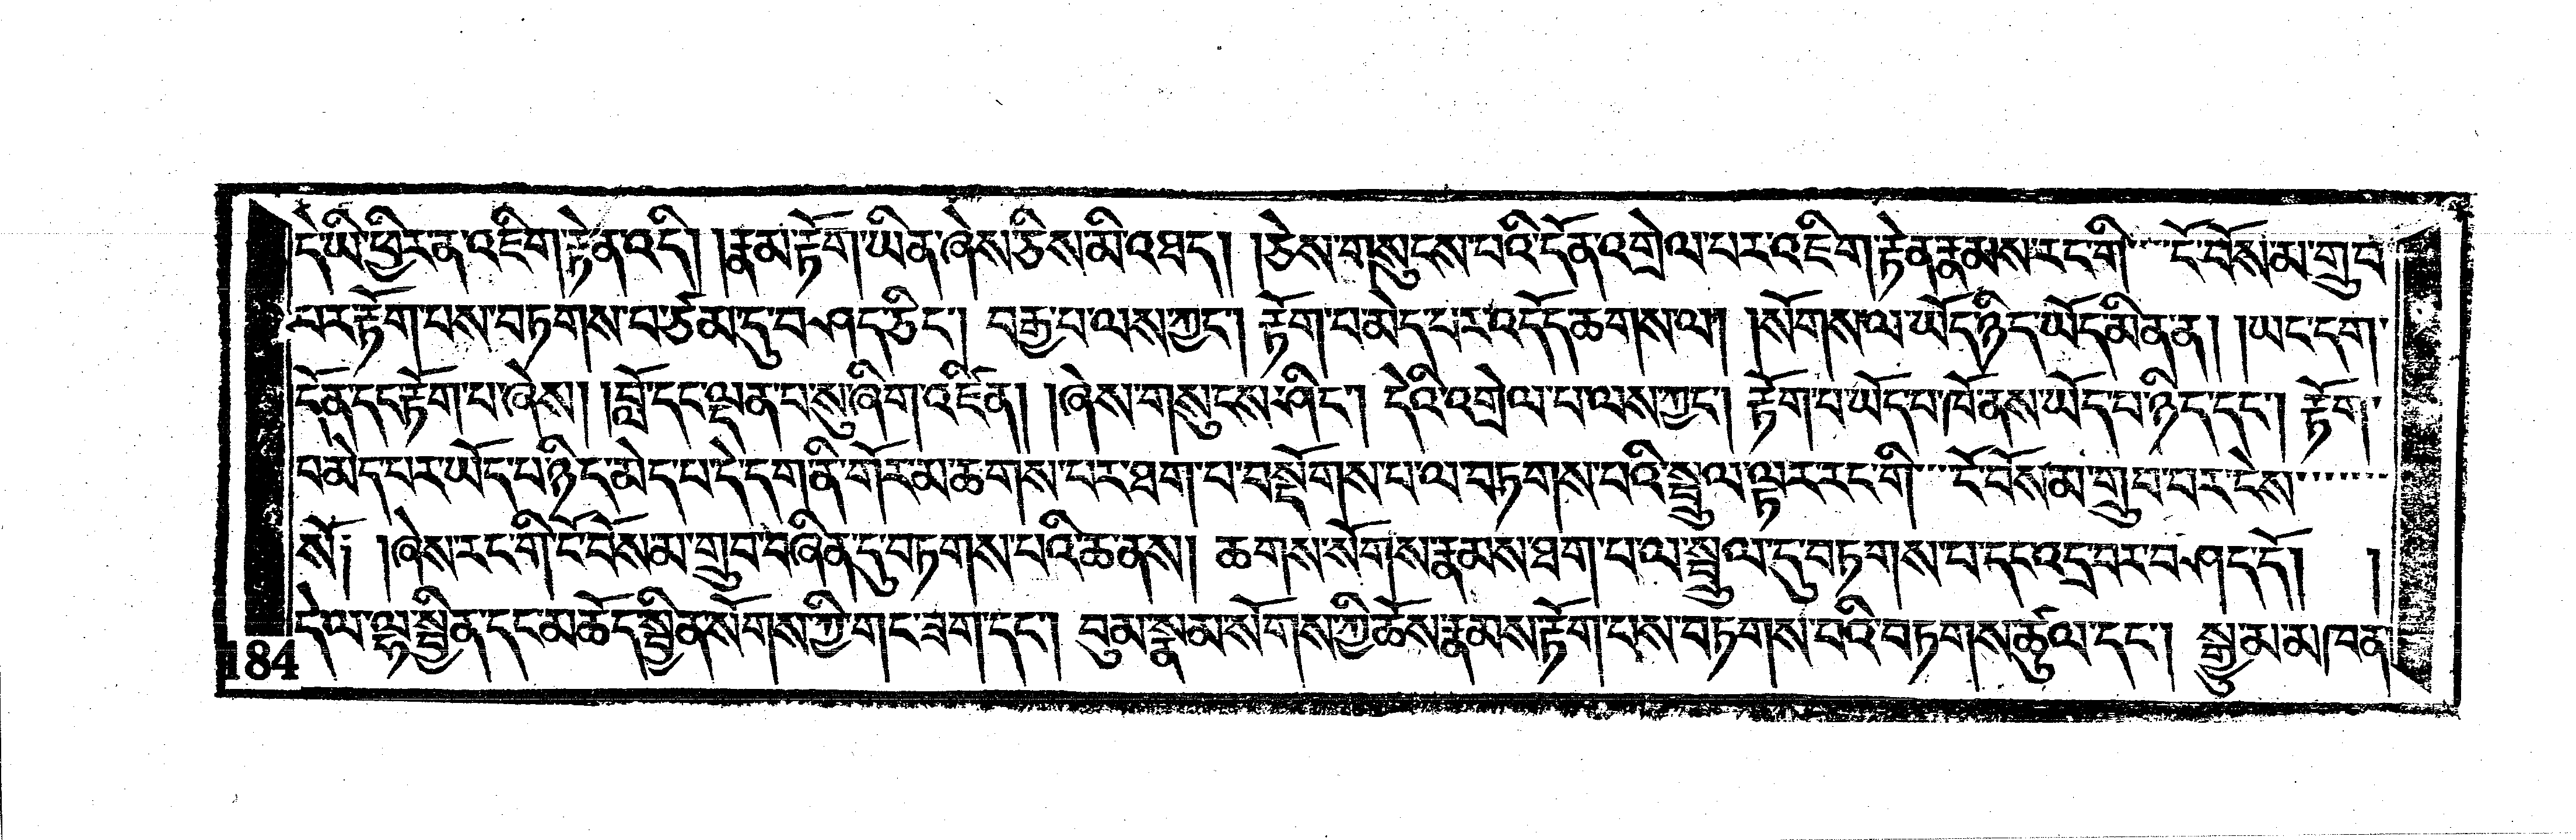དེ་ཡི་ཕྱིར་ན་འཇིག་རྟེན་འདི། །རྣམ་རྟོག་ཡིན་ཞེས་ཅིས་མི་འཐད། །ཅེས་གསུངས་པའི་དོན་འགྲེལ་པར་འཇིག་རྟེན་རྣམས་རང་གི་ངོ་བོས་མ་གྲུབ་
པར་རྟོག་པས་བཏགས་པ་ཙམ་དུ་བཤད་ཅིང་། བརྒྱ་པ་ལས་ཀྱང་། རྟོག་པ་མེད་པར་འདོད་ཆགས་ལ། །སོགས་ལ་ཡོད་ཉིད་ཡོད་མིན་ན། །ཡང་དག་
དོན་དང་རྟོག་པ་ཞེས། །བློ་དང་ལྡན་པ་སུ་ཞིག་འཛིན། །ཞེས་གསུངས་ཤིང་། དེའི་འགྲེལ་པ་ལས་ཀྱང་། རྟོག་པ་ཡོད་པ་ཁོ་ནས་ཡོད་པ་ཉིད་དང་། རྟོག་
པ་མེད་པར་ཡོད་པ་ཉིད་མེད་པ་དེ་དག་ནི་གོར་མ་ཆགས་པར་ཐག་པ་བསྡོགས་པ་ལ་བཏགས་པའི་སྦྲུལ་ལྟར་རང་གི་ངོ་བོས་མ་གྲུབ་པར་ངེས་
སོ༑ །ཞེས་རང་གི་ངོ་བོས་མ་གྲུབ་བཞིན་དུ་བཏགས་པའི་ཆ་ནས། ཆགས་སོགས་རྣམས་ཐག་པ་ལ་སྦྲུལ་དུ་བཏགས་པ་དང་འདྲ་བར་བཤད་དོ། །
དེ་ལ་ལྷ་སྦྱིན་དང་མཆོད་སྦྱིན་སོགས་ཀྱི་གང་ཟག་དང་། བུམ་སྣམ་སོགས་ཀྱི་ཆོས་རྣམས་རྟོག་པས་བཏགས་པའི་བཏགས་ཚུལ་དང་། སྒྱུ་མ་མཁན་